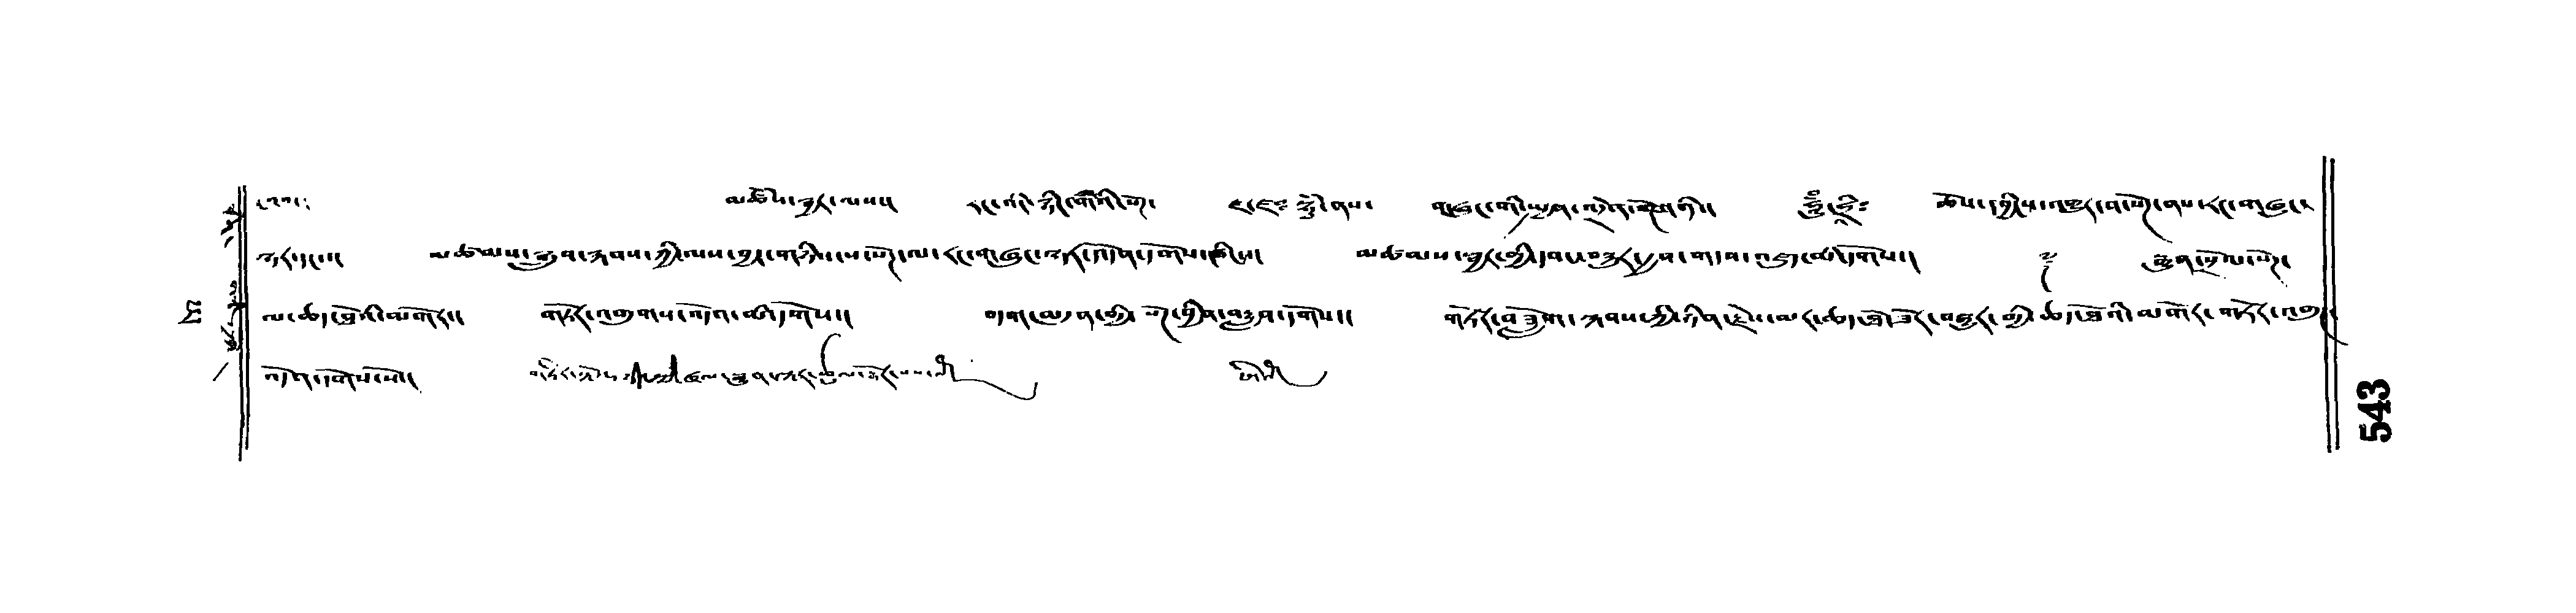མཚམས་སྦྱར་ལས། རང་གི་སྙིང་གའི་སོགས། ཛ་ཛཿསྟྭམ་ནས། གཞུང་གི་སྤྱན་འདྲེན་ནི། ཧཱུྃ་ཧྲཱིཿ ཆོས་དབྱིངས་འགྱུར་བ་སོགས་ནས་རང་གཞུང་
ལྟར་དང་། མཚམས་སྒྲུབ་སྐབས་ཀྱི་ལས་བྱང་གཉིས་པ་སོགས་ལ་རང་གཞུང་ལྟར་འདོན་དགོས། མཚམས་སྦྱར་གྱི་དབང་བསྐུར་རྒྱས་གདབ་འཛུད་མི་དགོས། ༈ རྒྱུན་སྲོལ་སོགས་
ལ་ཆད་ཐོའི་འགོར་གཏོར་འགུགས་འདོན་མི་དགོས། བདག་མདུན་གྱི་སོགས་བྱིན་བརླབ་དགོས། གཏོར་བཟློག་སྐབས་ཀྱི་ཉིན་རྗེས་མར་ཆད་ཐོ་ཟོར་བསྒྱུར་གྱི་ཆད་ཐོའི་མགོར་གཏོར་འགུགས་
འདོན་དགོས་སོ། གཏེར་སྟོན་ཉིད་ཀྱི་ཞལ་རྒྱུན་ལྟར་ཚུལ་རྡོར་པས་སོ། དགེའོ།།